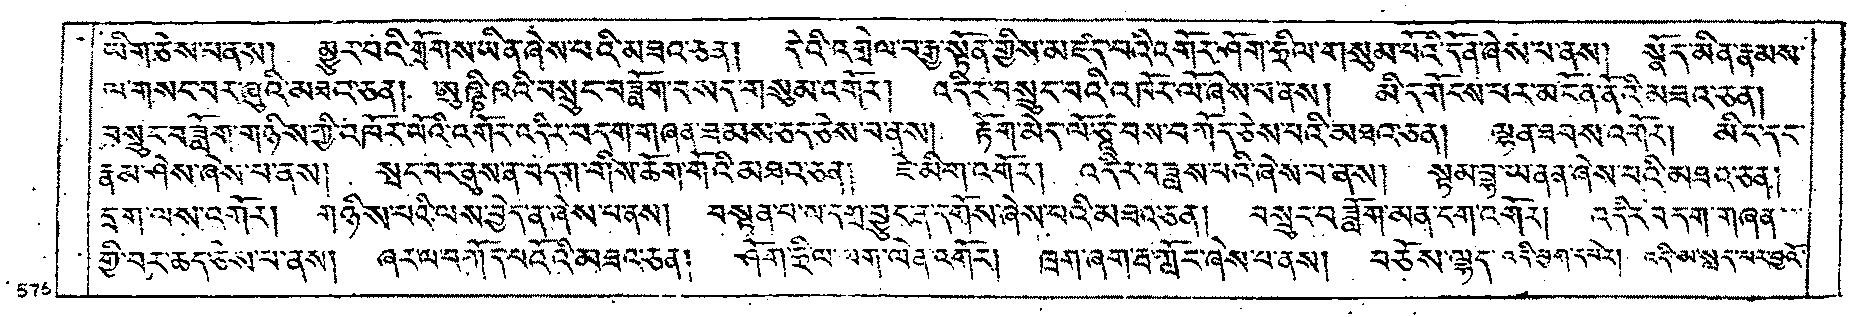ཡིག་ཅེས་པ་ནས། མྱུར་བའི་གྲོགས་ཡིན་ཞེས་པའི་མཐའ་ཅན། དེའི་འགྲེལ་པ་རྒྱ་སྟོན་གྱིས་མཛད་པའི་འགོར་ཤོག་ཧྲིལ་གསུམ་པོའི་དོན་ཞེས་པ་ནས། སྣོད་མིན་རྣམས་
ལ་གསང་བར་ཞུའི་མཐའ་ཅན། ཨུཥྞི་ཥའི་བསྲུང་བཟློག་བསད་གསུམ་འགོར། འདིར་བསྲུང་བའི་འཁོར་ལོ་ཞེས་པ་ནས། མི་དགོངས་པར་མངོན་ནོའི་མཐའ་ཅན།
བསྲུང་བཟློག་གཉིས་ཀྱི་འཁོར་ལོའི་འགོར་འདིར་བདག་གཞན་ཐམས་ཅད་ཅེས་པ་ནས། རྟོག་མེད་ལོ་ཙཱ་བས་བཀོད་ཅེས་པའི་མཐའ་ཅན། ལྷན་ཐབས་འགོར། མིང་དང་
རྣམ་ཤེས་ཞེས་པ་ནས། སྤང་བར་ནུས་ན་བདག་གིས་ཆོག་གོའི་མཐའ་ཅན། ཇེ་མིག་འགོར། འདིར་བཟླས་པའི་ཞེས་པ་ནས། སྟམ་བྷ་ཡ་ནན་ཞེས་པའི་མཐའ་ཅན།
དྲག་ལས་འགོར། གཉིས་པའི་ལས་བྱེད་ན་ཞེས་པ་ནས། བསྟན་པ་ལ་དགྲ་བྱུང་ན་དགོས་ཞེས་པའི་མཐའ་ཅན། བསྲུང་བཟློག་མན་ངག་འགོར། འདིར་བདག་གཞན་
གྱི་བར་ཆད་ཅེས་པ་ནས། ཞར་ལ་བཀོད་པའོའི་མཐའ་ཅན། ཤོག་ཧྲིལ་ལག་ལེན་འགོར། ཁྲག་ཞག་རྦ་ཀློང་ཞེས་པ་ནས། བཅོས་ལྷད་འདི་ཕྱག་དཔེར། འདི་མ་སླད་པར་བྱའོ་